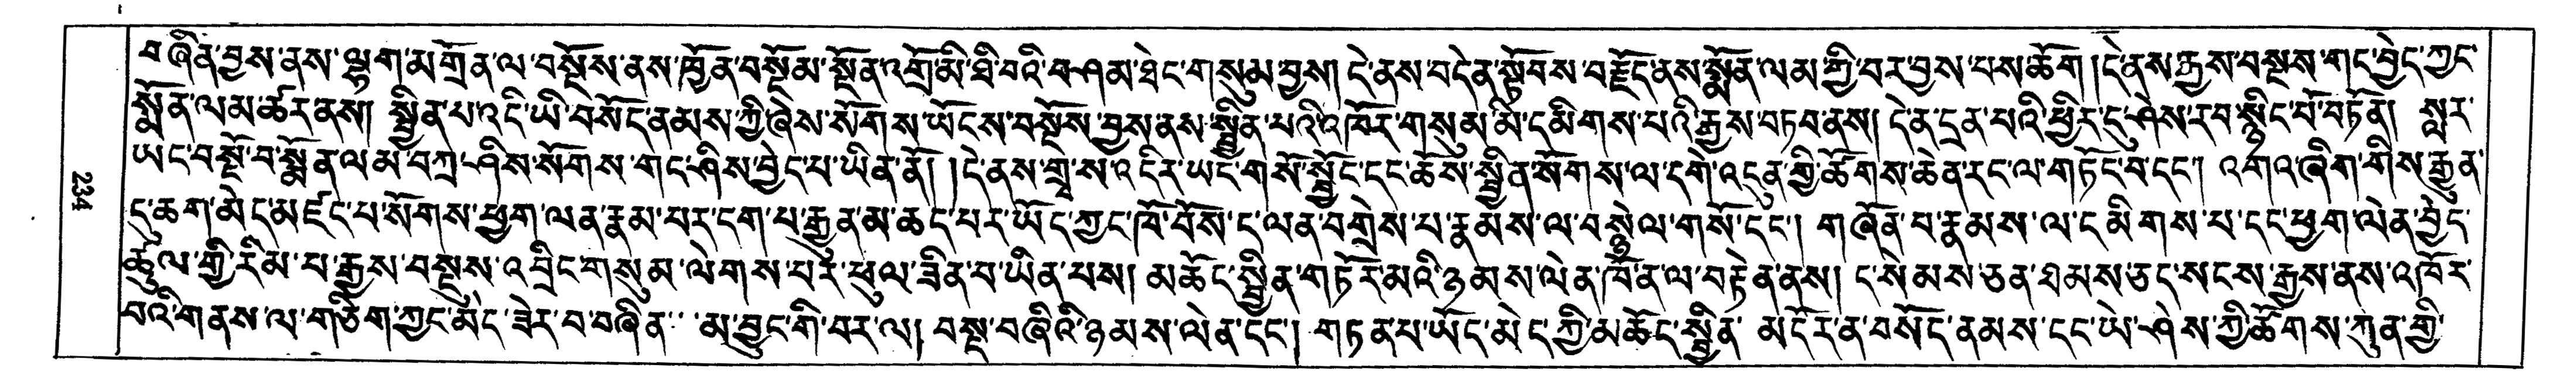བཞིན་བྱས་ནས་ལྷག་མགྲོན་ལ་བསྔོས་ནས་ཁྱོན་བསྡོམ་སྔོན་འགྲོ་མི་ཐི་བའི་བཤམ་ཐེང་གསུམ་བྱས། དེ་ནས་བདེན་སྟོབས་བརྗོད་ནས་སྨོན་ལམ་གྱི་བར་བྱས་པས་ཆོག། དེ་ནས་རྒྱས་བསྡུས་གང་བྱེད་ཀྱང་
སྨོན་ལམ་ཚར་ནས། སྦྱིན་པ་འདི་ཡི་བསོད་ནམས་ཀྱི་ཞེས་སོགས་ཡོངས་བསྔོས་བྱས་ནས་སྦྱིན་པའི་འཁོར་གསུམ་མི་དམིགས་པའི་རྒྱས་བཏབ་ནས། དོན་དྲན་པའི་ཕྱིར་དུ་ཤེས་རབ་སྙིང་པོ་བཏོན། སླར་
ཡང་བསྔོ་བ་སྨོན་ལམ་བཀྲ་ཤིས་སོགས་གང་ཤེས་བྱེད་པ་ཡིན་ནོ། །དེ་ནས་གྲྭ་ས་འདིར་ཡང་གསོ་སྦྱོང་དང་ཆོས་སྦྱིན་སོགས་ལ་དགེ་འདུན་གྱི་ཚོགས་ཆེན་རང་ལ་གཏོང་བ་དང་། འགའ་ཞིག་གིས་རྒྱུན་
དུ་ཆག་མེད་མཛད་པ་སོགས་ཕྱག་ལེན་རྣམ་པར་དག་པ་རྒྱུན་མ་ཆད་པར་ཡོད་ཀྱང་ཁོ་བོས་ད་ལན་བགྲེས་པ་རྣམས་ལ་བསྙེལ་གསོ་དང་། གཞོན་པ་རྣམས་ལ་དམིགས་པ་དང་ཕྱག་ལེན་བྱེད་
ཚུལ་གྱི་རིམ་པ་རྒྱས་བསྡུས་འབྲིང་གསུམ་ལེགས་པར་ཕུལ་ཟིན་པ་ཡིན་པས། མཆོད་སྦྱིན་གཏོར་མའི་ཉམས་ལེན་ཁོ་ན་ལ་བརྟེན་ནས། ད་སེམས་ཅན་ཐམས་ཅད་སངས་རྒྱས་ནས་འཁོར་
བའི་གནས་ལ་གཅིག་ཀྱང་མེད་ཟེར་བ་བཞིན་མ་བྱུང་གི་བར་ལ། བསྡུས་བཞིའི་ཉམས་ལེན་དང་། གཏན་པ་ཡོད་མེད་ཀྱི་མཆོད་སྦྱིན། མདོར་ན་བསོད་ནམས་དང་ཡེ་ཤེས་ཀྱི་ཚོགས་ཀུན་གྱི་